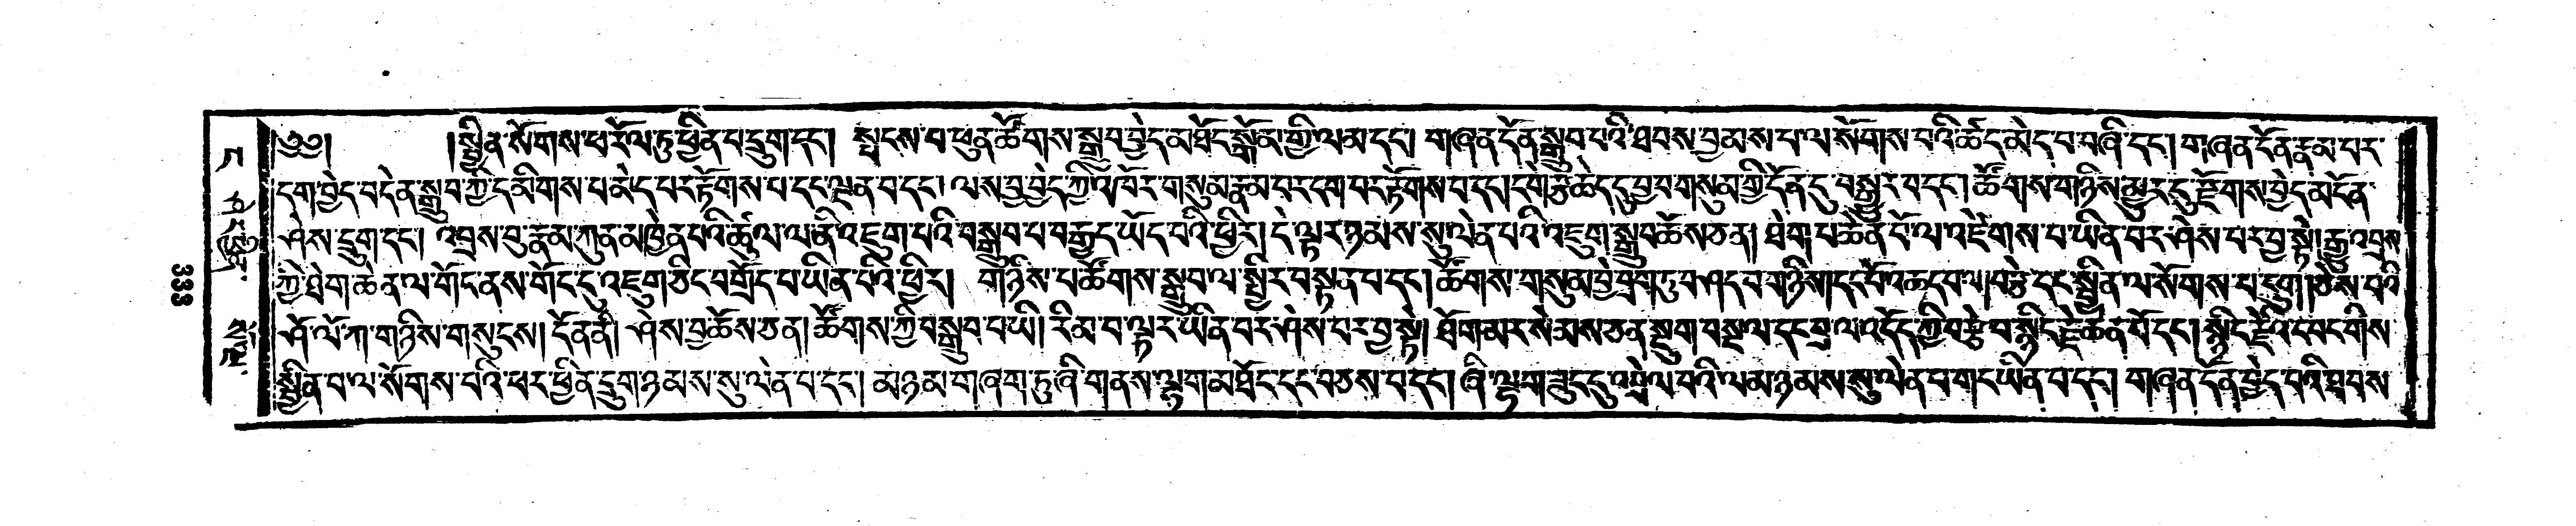༄༅། །སྦྱིན་སོགས་ཕ་རོལ་ཏུ་ཕྱིན་པ་དྲུག་དང་། སྤངས་པ་ཕུན་ཚོགས་སྒྲུབ་བྱེད་མཐོང་སྒོམ་གྱི་ལམ་དང་། གཞན་དོན་སྒྲུབ་པའི་ཐབས་བྱམས་པ་ལ་སོགས་པའི་ཚད་མེད་པ་བཞི་དང་། གཞན་དོན་རྣམ་པར་
དག་བྱེད་བདེན་སྒྲུབ་ཀྱི་དམིགས་པ་མེད་པར་རྟོགས་པ་དང་ལྡན་པ་དང་། ལས་བྱ་བྱེད་ཀྱི་འཁོར་གསུམ་རྣམ་པར་དག་པར་རྟོགས་པ་དང་། དགེ་རྩ་ཆེད་དུ་བྱ་བ་གསུམ་གྱི་དོན་དུ་བསྒྱུར་བ་དང་། ཚོགས་གཉིས་མྱུར་དུ་རྫོགས་བྱེད་མངོན་
ཤེས་དྲུག་དང་། འབྲས་བུ་རྣམ་ཀུན་མཁྱེན་པའི་ཚུལ་ལ་ནི་འཇུག་པའི་བསྒྲུབ་པ་བརྒྱད་ཡོད་པའི་ཕྱིར། དེ་ལྟར་ཉམས་སུ་ལེན་པའི་འཇུག་སྒྲུབ་ཆོས་ཅན། ཐེག་པ་ཆེན་པོ་ལ་འཇོགས་པ་ཡིན་པར་ཤེས་པར་བྱ་སྟེ། རྒྱུ་འབྲས་
ཀྱི་ཐེག་ཆེན་ལ་གོང་ནས་གོང་དུ་འཇུག་ཅིང་བགྲོད་པ་ཡིན་པའི་ཕྱིར། གཉིས་པ་ཚོགས་སྒྲུབ་ལ་སྤྱིར་བསྟན་པ་དང་། ཚོགས་གསུམ་བྱེ་བྲག་ཏུ་བཤད་པ་གཉིས། དང་པོ་འཆད་པ་ལ། བརྩེ་དང་སྦྱིན་ལ་སོགས་པ་དྲུག །ཅེས་པའི་
ཤོ་ལོ་ཀ་གཉིས་གསུངས། དོན་ནི། ཤེས་བྱ་ཆོས་ཅན། ཚོགས་ཀྱི་བསྒྲུབ་པ་ཡི། རིམ་པ་ལྟར་ཡིན་པར་ཤེས་པར་བྱ་སྟེ། ཐོག་མར་སེམས་ཅན་སྡུག་བསྔལ་དང་བྲལ་འདོད་ཀྱི་བརྩེ་བ་སྙིང་རྗེ་ཆེན་པོ་དང་། སྙིང་རྗེའི་དབང་གིས་
སྦྱིན་པ་ལ་སོགས་པའི་ཕར་ཕྱིན་དྲུག་ཉམས་སུ་ལེན་པ་དང་། མཉམ་གཞག་ཏུ་ཞི་གནས་ལྷག་མཐོང་དང་བཅས་པ་དང་། ཞི་ལྷག་ཟུང་དུ་འབྲེལ་བའི་ལམ་ཉམས་སུ་ལེན་པ་གང་ཡིན་པ་དང་། གཞན་དོན་བྱེད་པའི་ཐབས་